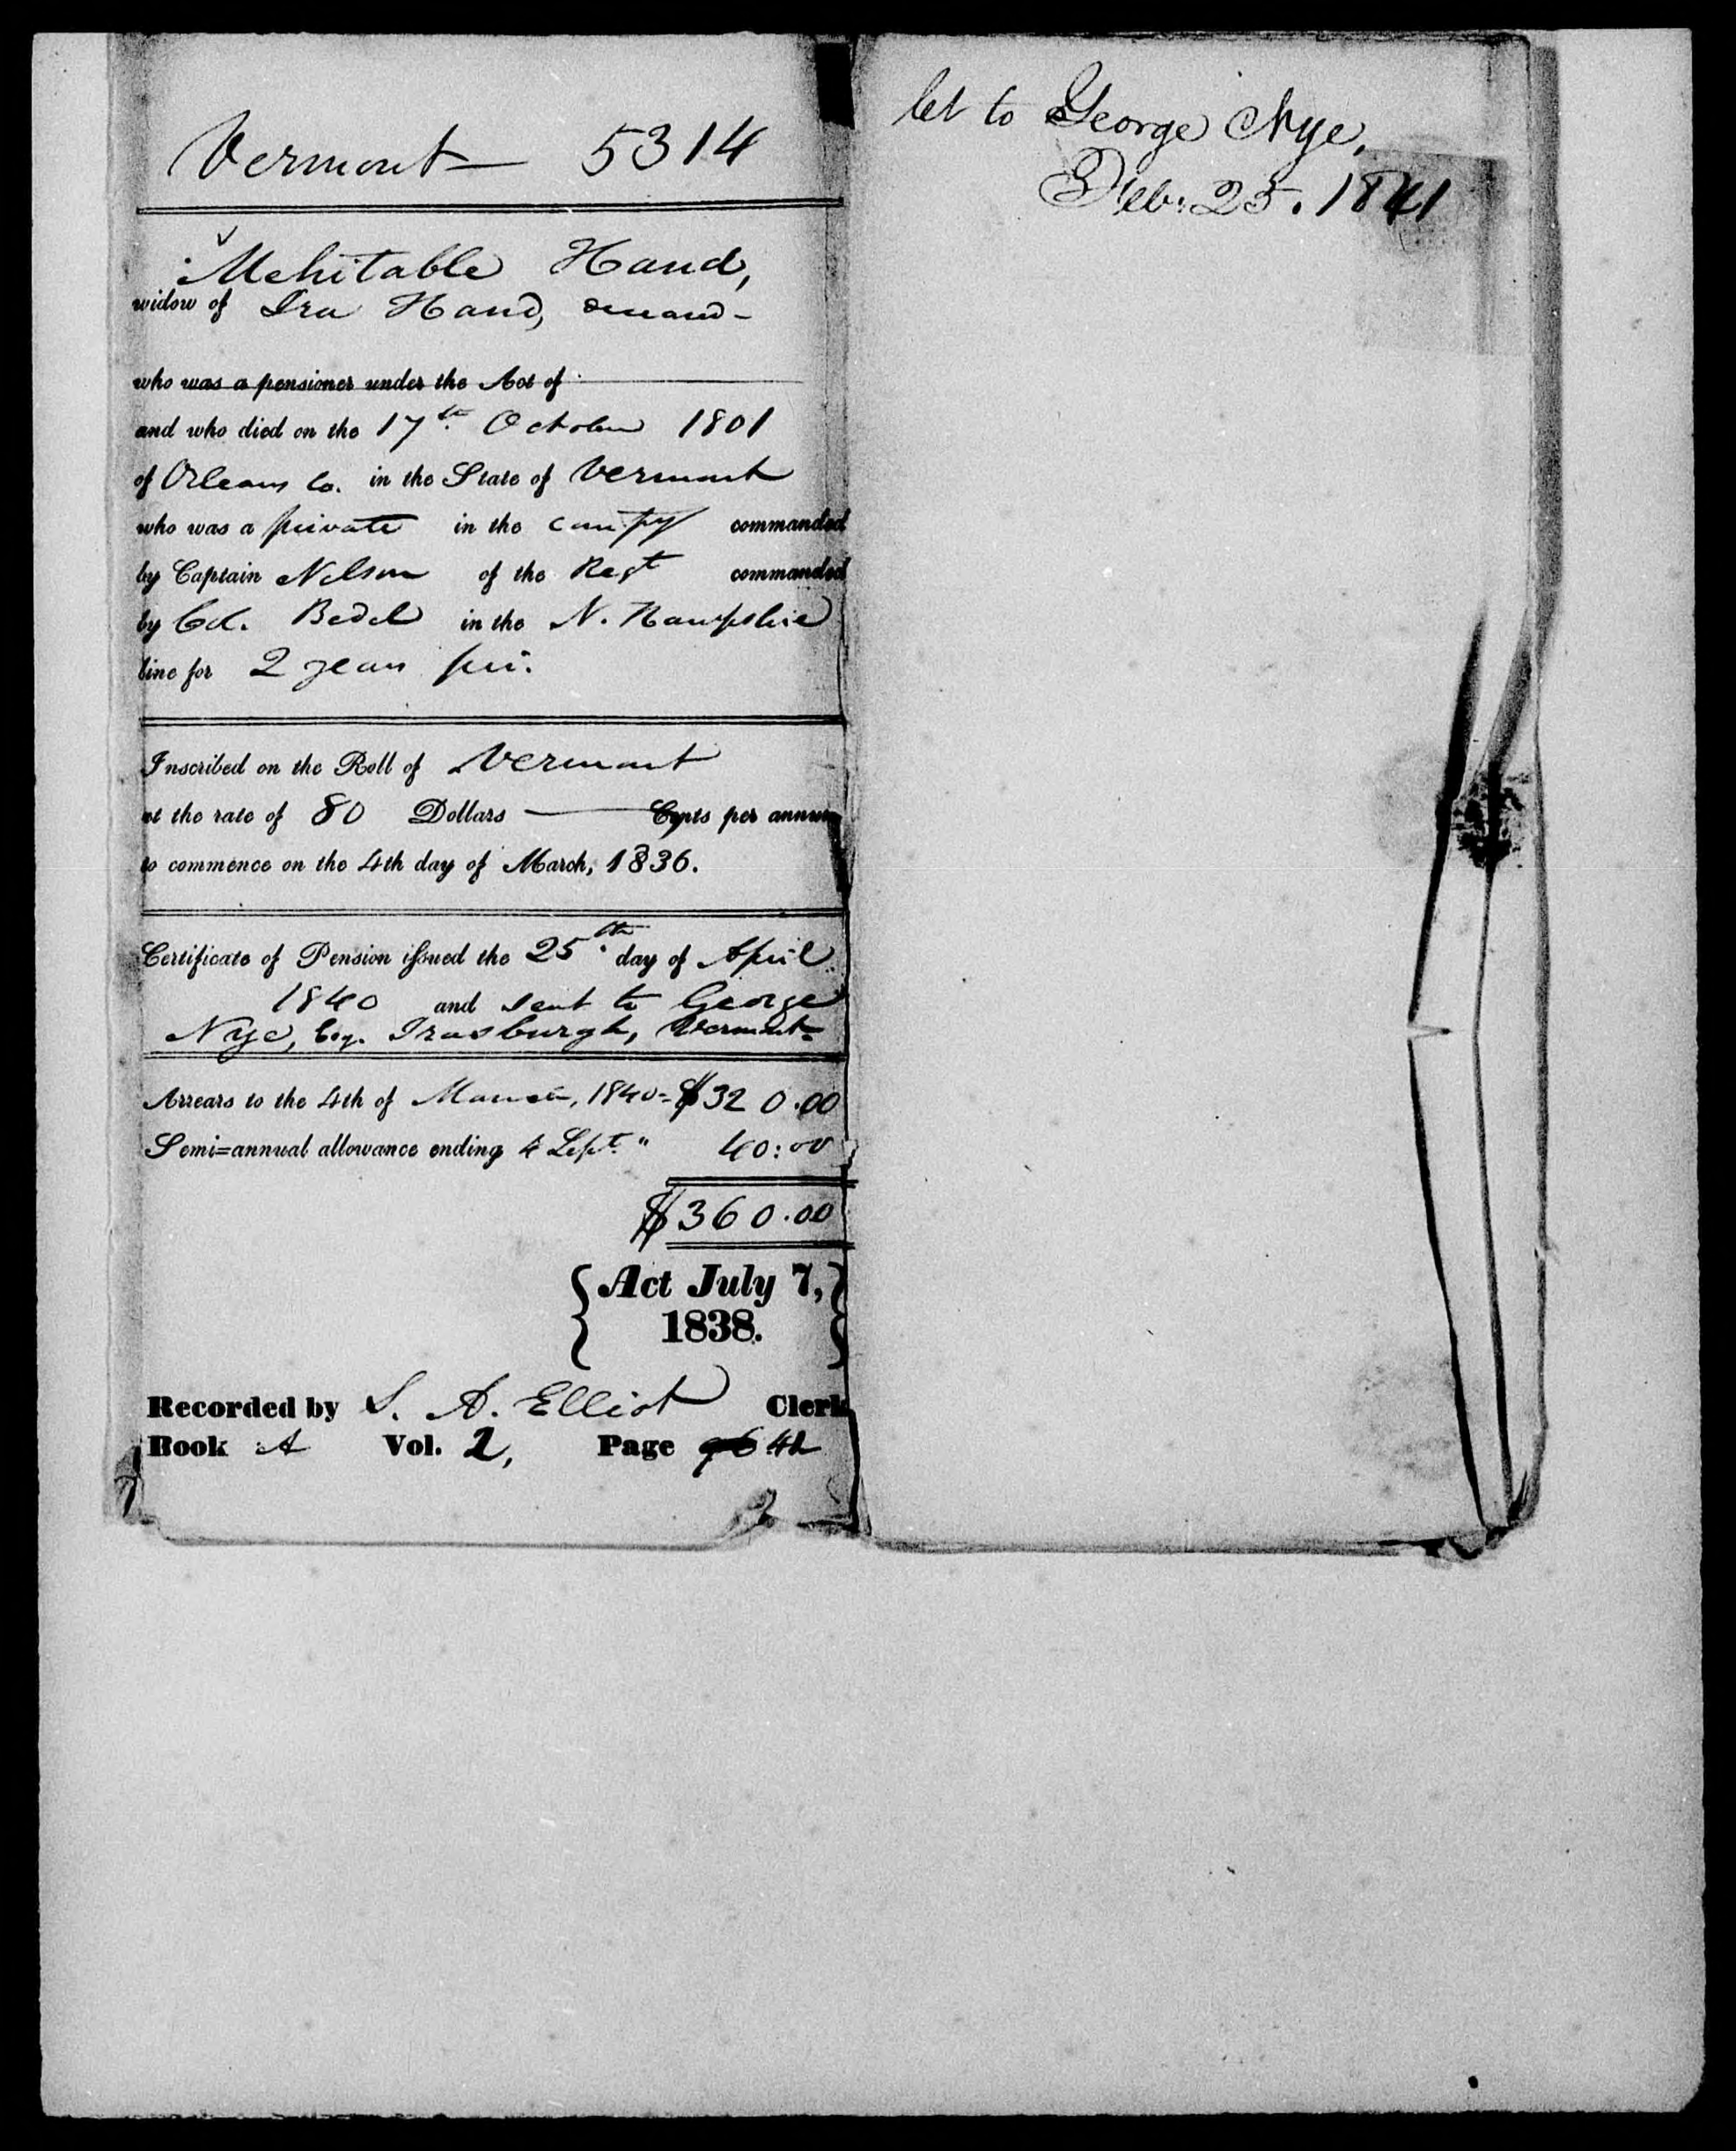Vermont - 5314

Mehitable Hand,
widow of Ira Hand, deceased

who was a pensioner under the Act of and who died on the 17th October 1801 of Orleans Co. in the stater of Vermont who was a private in the Company commanded by Captain Nelson of the Regt. commanded by Col. Bedel in the N. Hampshire line for 2 years []

Inscribed on the Roll of Vermont
at the rate of 80 Dollars   Cents per annum to commence on the 4th day of March, 1836.

Certificate of Pension issued the 25th day of April 1860 and sent to George Nye, Esq. Irasburgh, Vermont-
Arrears to the 4th of March 1840 = $320.00
Semi-annual allowance ending 4 Sept."  40.00
                                                             $360.00

{Act July 7, 1838}

Recorded by S. A. Elliot Clerk
Book A Vol. 2, Page 41
let to George Nye,
Feb. 25, 1841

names: George Nye, S A Elliot, Nelson, George Nye, Mehitable Hand, Ira Hand, Bedel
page: 21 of 42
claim: widow's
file: W. 19,722, Ira Hand, N.H. Vt.